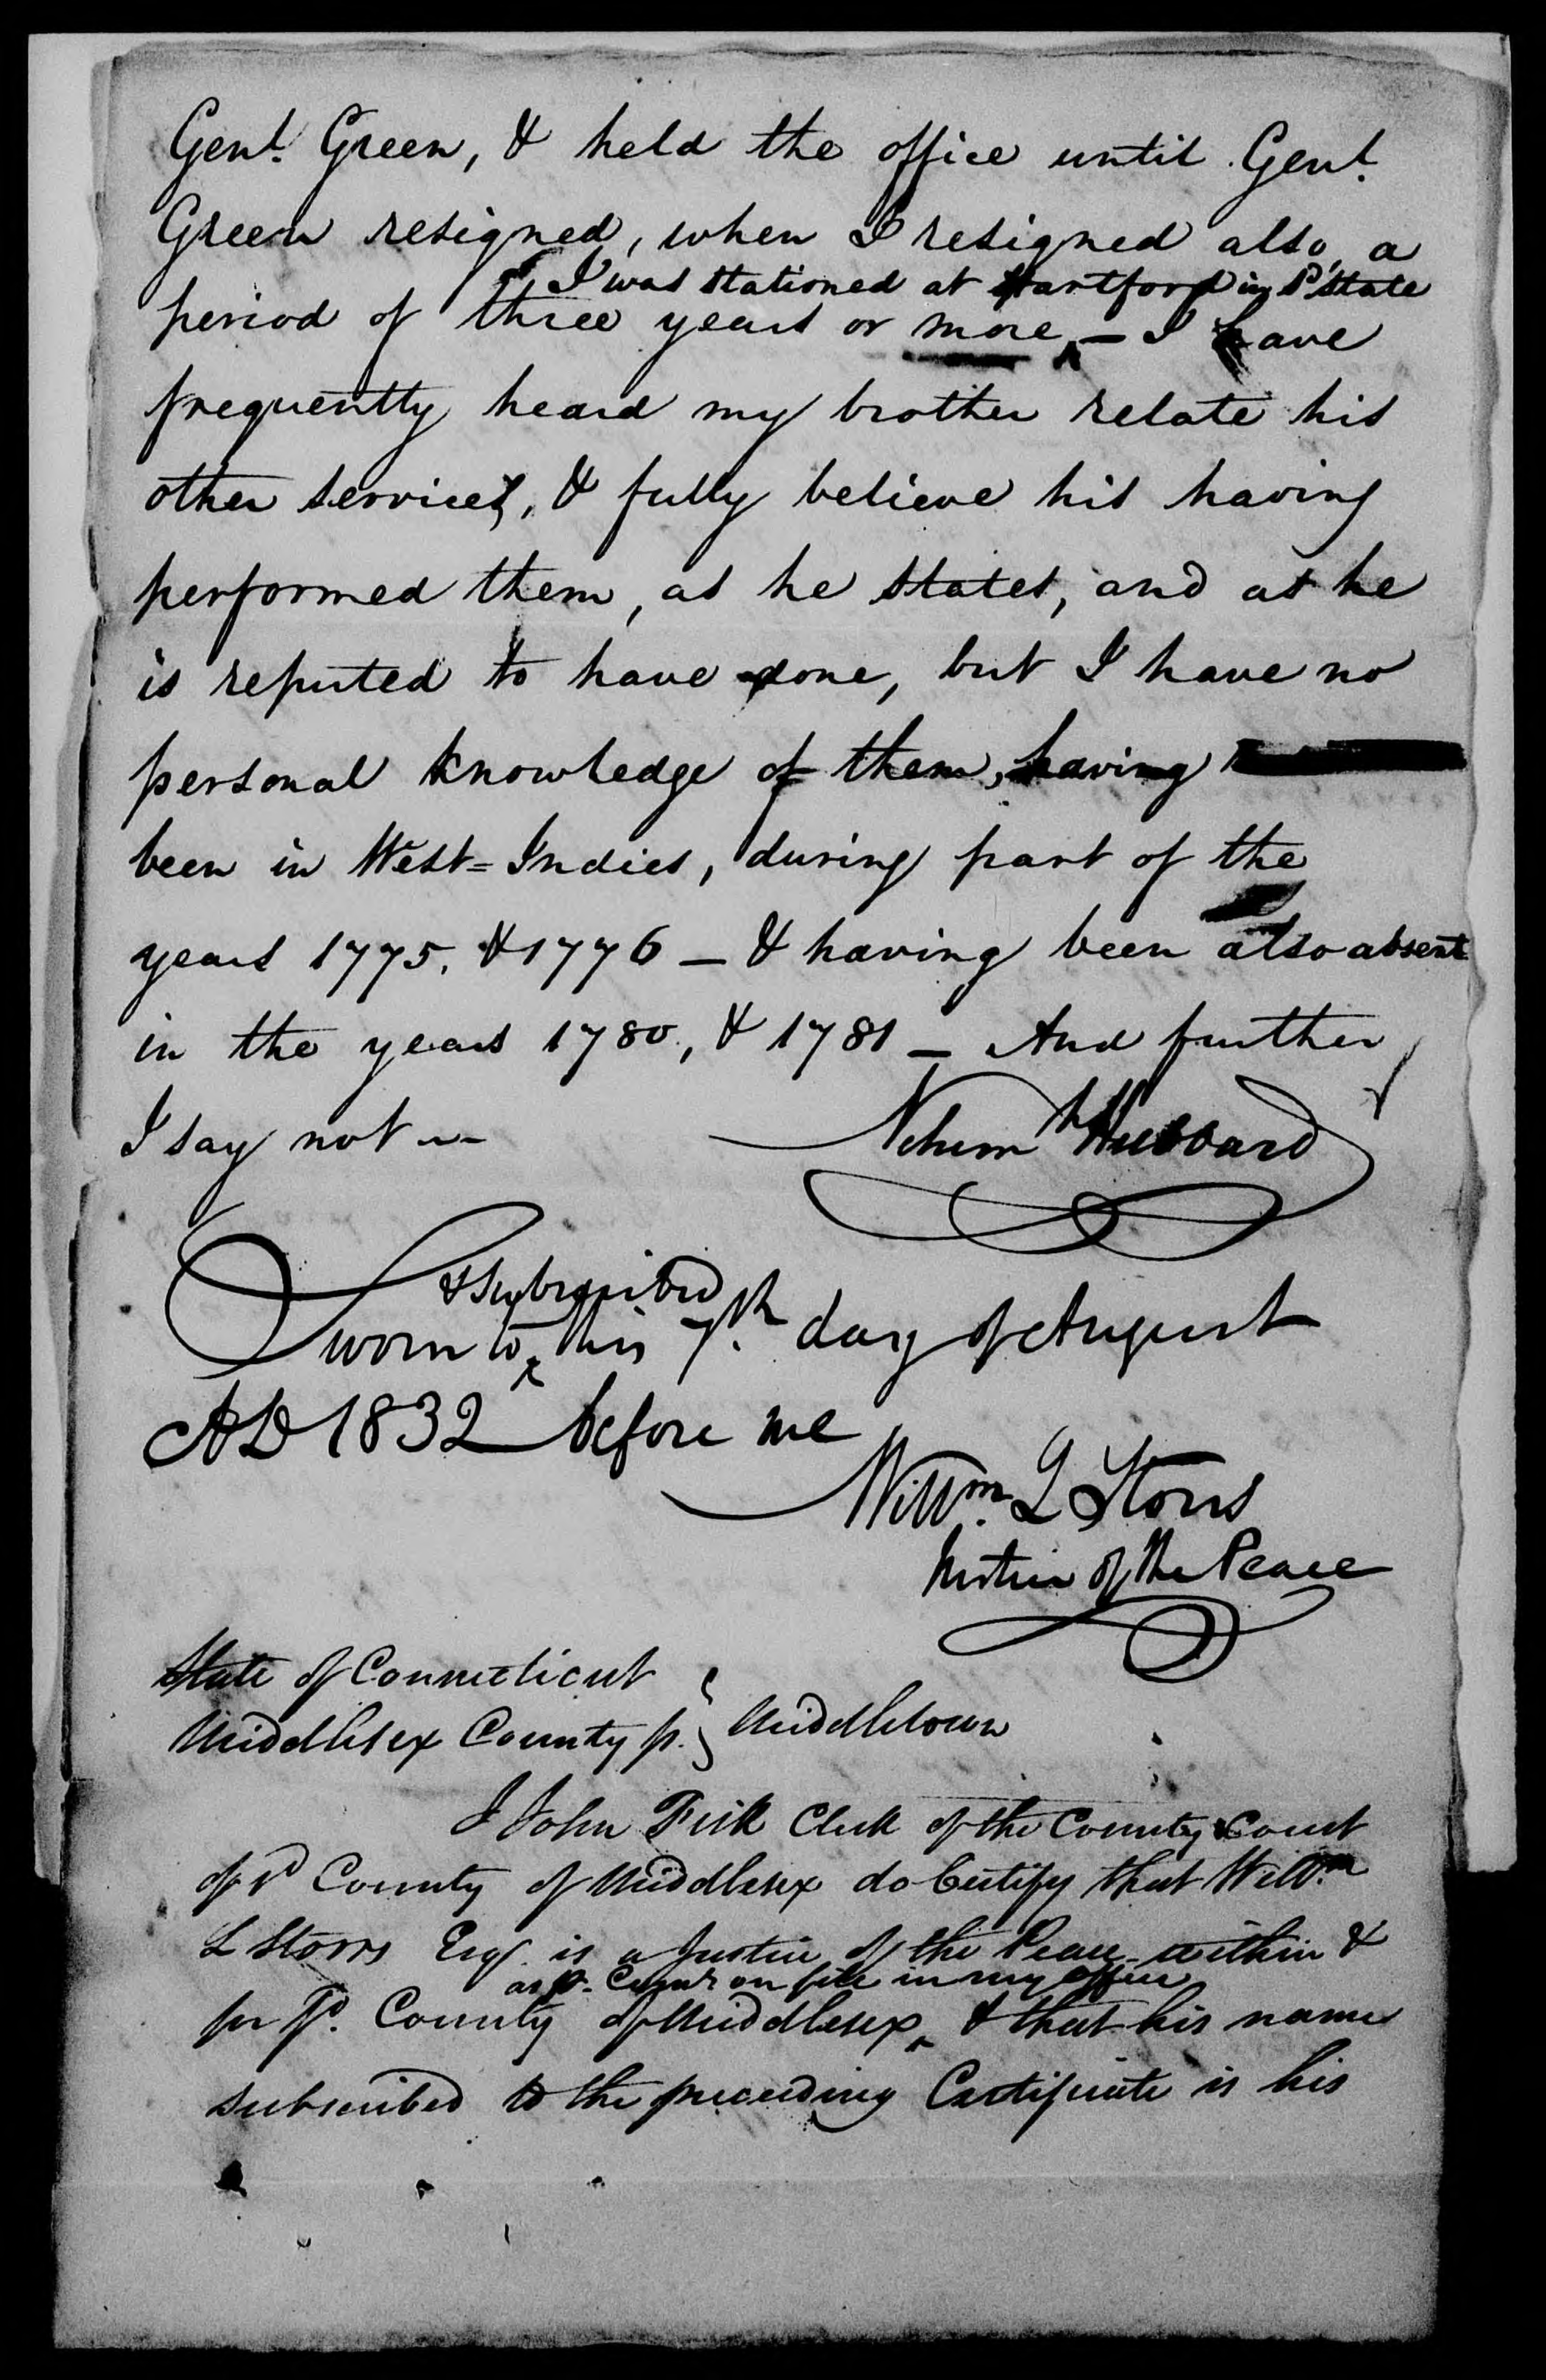Genl Green, & held the office until Gen Green resigned, when I resigned also, a period of three years or more I was stationed at Hartford in said state  - I have frequently heard my brother relate his other services & fully believe his having performed them , as he states, and as he is  reputed to have done, but I have no personal knowledge of them having been in West=Indies, during part of the years 1775, & 1776 - & having been also absent in the years 1780, & 1781 - And further I say not - 

Nehemh  Hubbard 

Sworn & subscribed to this 7th day of August AD 1932 before me

Willm L Storrs
Justice of the peace

State of Connecticut}
Middlesex County (?) }    Middletown

I John Fisk Clerk of the County Court of County of Middlesex do Certify that Willm L Storrs Esq. is a Justice of the Peace within & for the County of Middlesex (?) (?) on file inn my office & that his name subscribed to the preceding Certificate is his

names: Nehemh Hubbard, Willm L Storrs, John Fisk, Green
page: 29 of 63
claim: survivor's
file: S. 18457, Elisha Hubbard, Conn. Continental